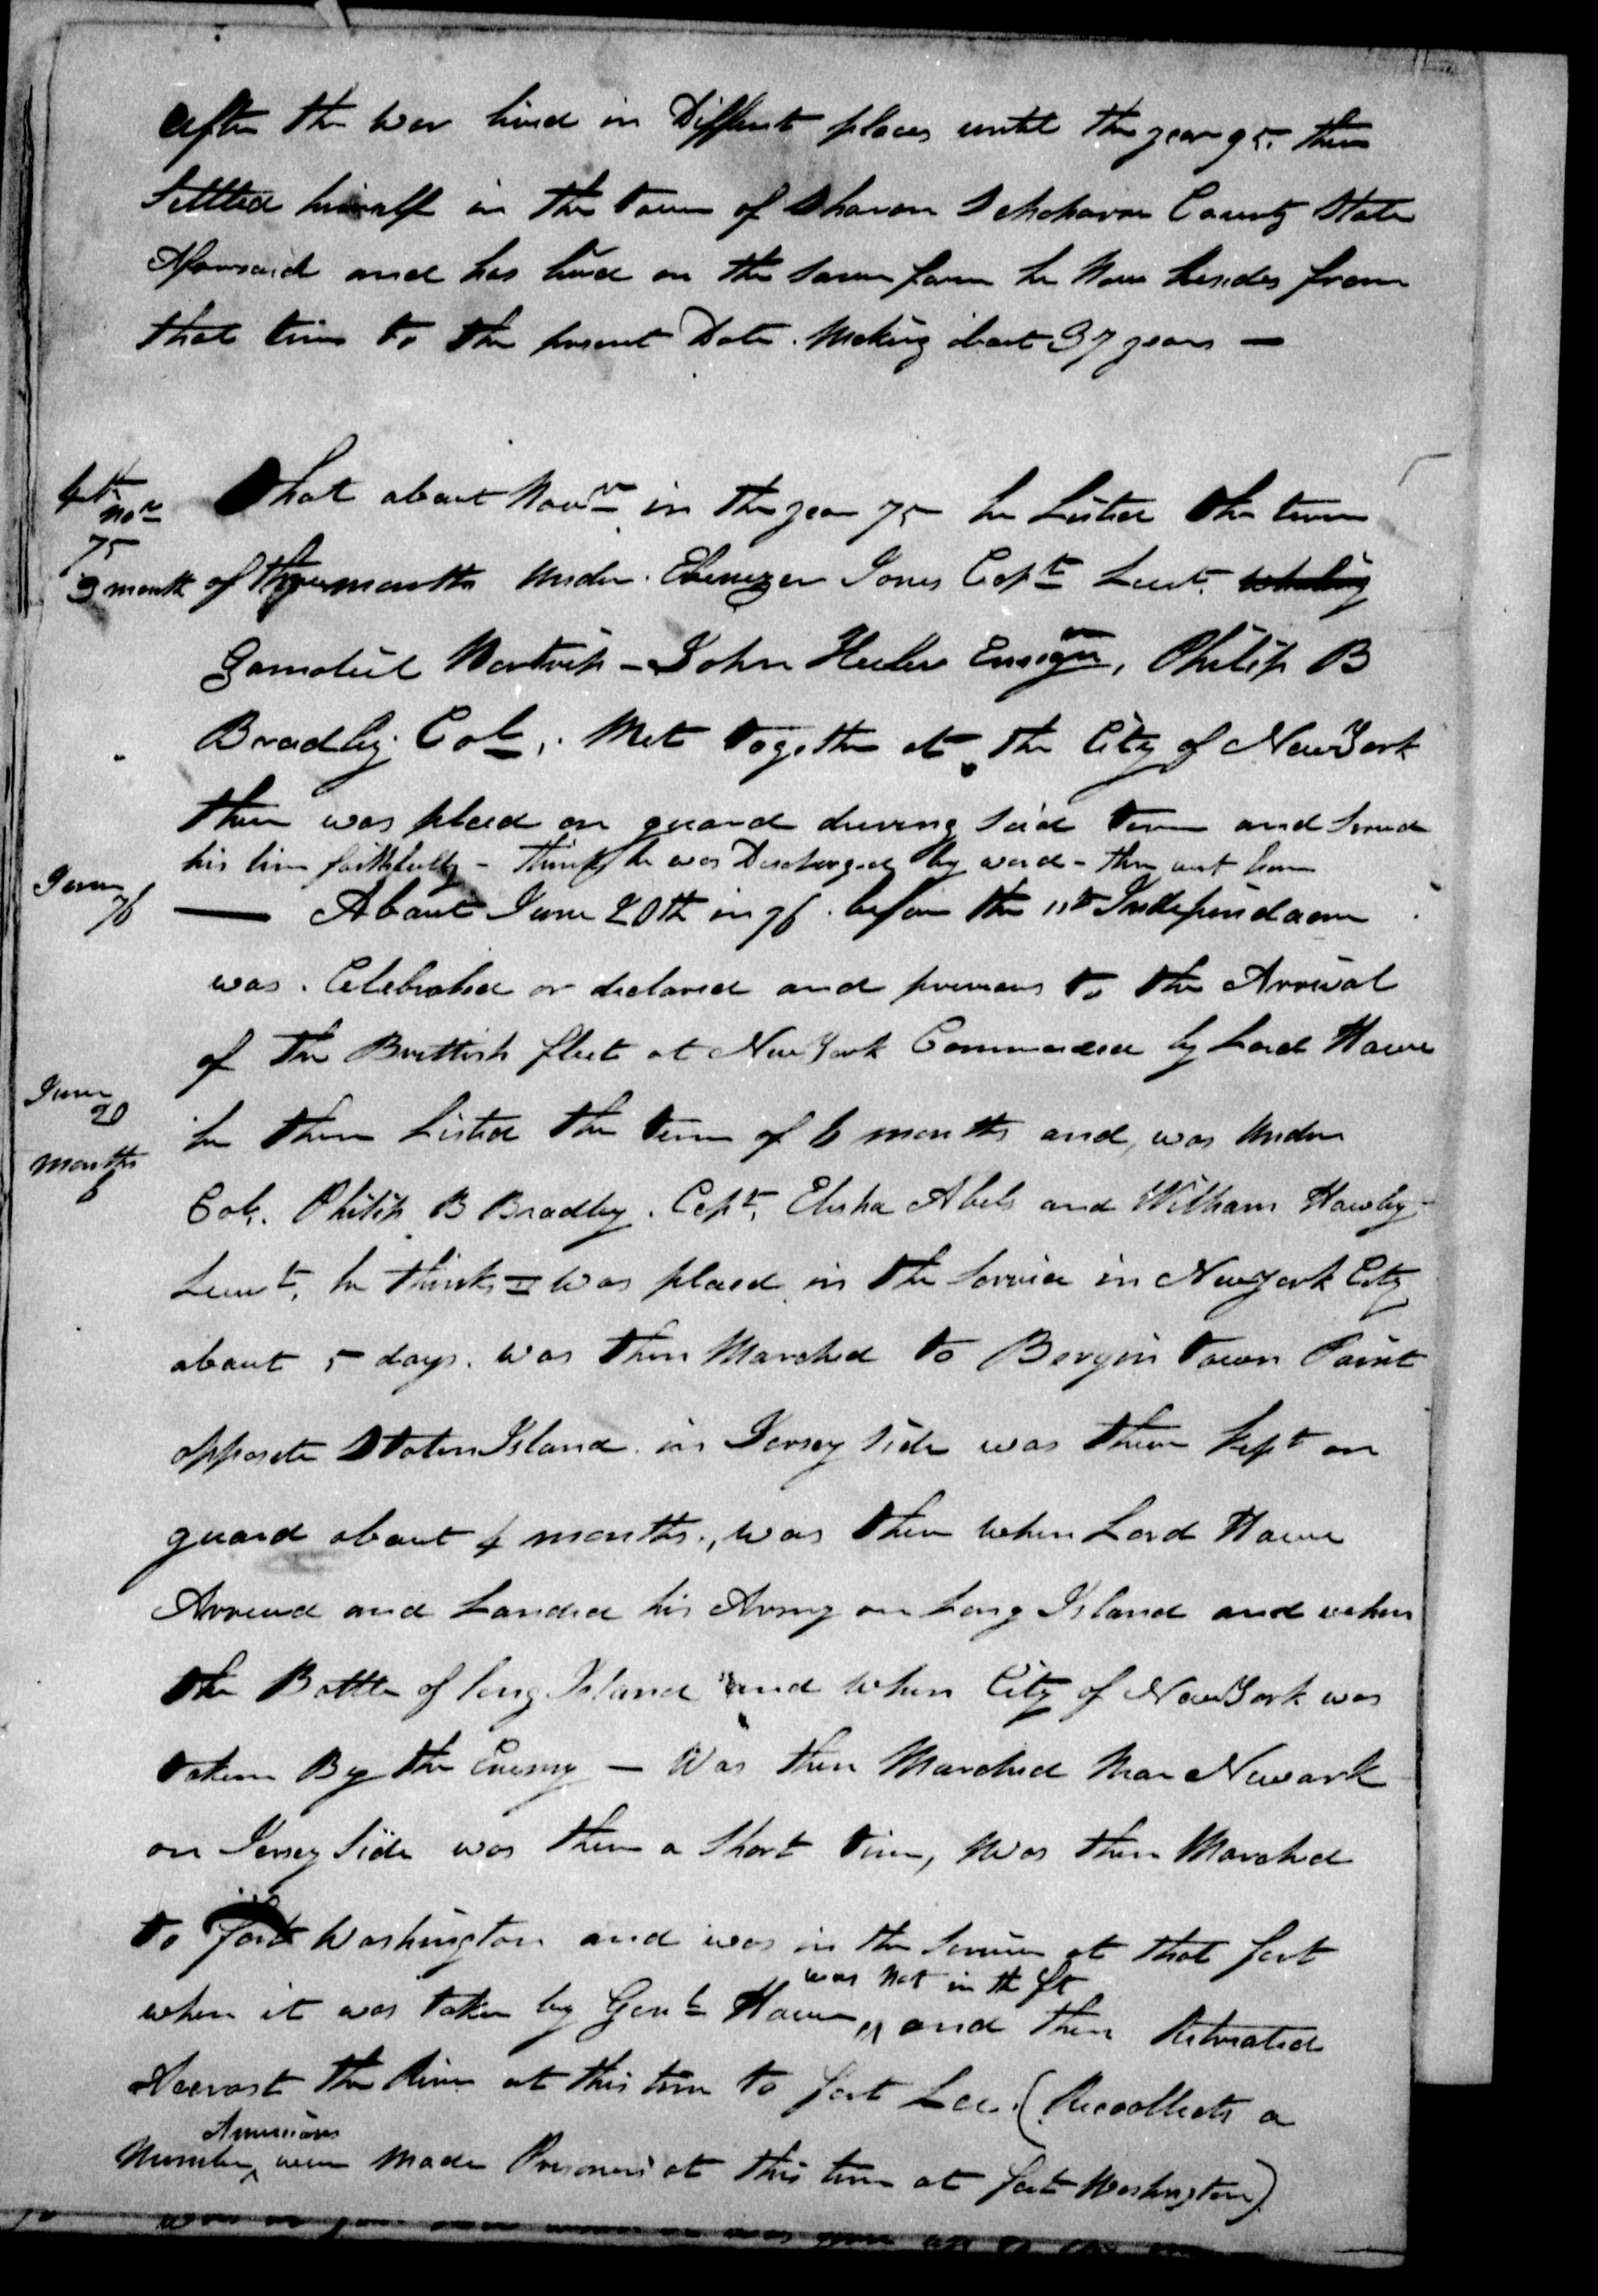after the war lived in different places until the year 95. then settled himself in the town of Sharon Schoharie County State aforesaid and has lived on the same farm he now resides from that time to the present date making about 37 years.

That about November in the year 75 he enlisted the term of three months under Ebenezer Jones Captain Lieut. Gamaliel Benedict John Keeler Ensign, Philip B. Bradley Col, met together at the City of New York then was placed on guard during said term and served his term faithfully - Then he was discharged by word - they went from June 76 - About June 20th in 76 before the 11th Independence was Celebrated or declared and previous to the Arrival of the British fleet at New York Commanded by Lord Howe he then enlisted the term of 8 months and was under Col. Philip B. Bradley, Capt. Elisha Abels, and William Hawley Lieut. he thinks was placed was in the service in New York City about 5 days. was then marched to Bergen town Point opposite Staten Island in Jersey side was then kept on guard about 4 months, was then when Lord Howe arrived and landed his army on Long Island and when the Battle of Long Island  and when City of New York was taken by the Enemy - Was then marched near Newark o Jersey side was there a short time and was then marched to Fort Washington and was in the service at that fort when it was taken by General Howe was not in the fort and then retreated across the river at this time to Fort Lee (recollects a number of Americans were made prisoners at this time at Fort Washington)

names: Elisha Abels; Philip B Bradley; Gamaliel Benedict; Philip B Bradley; John Keeler; Ebenezer Jones; [BLANK] Hawe; William Hawley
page: 4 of 29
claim: survivor's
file: S. 14,268, for John Resseguie, New York